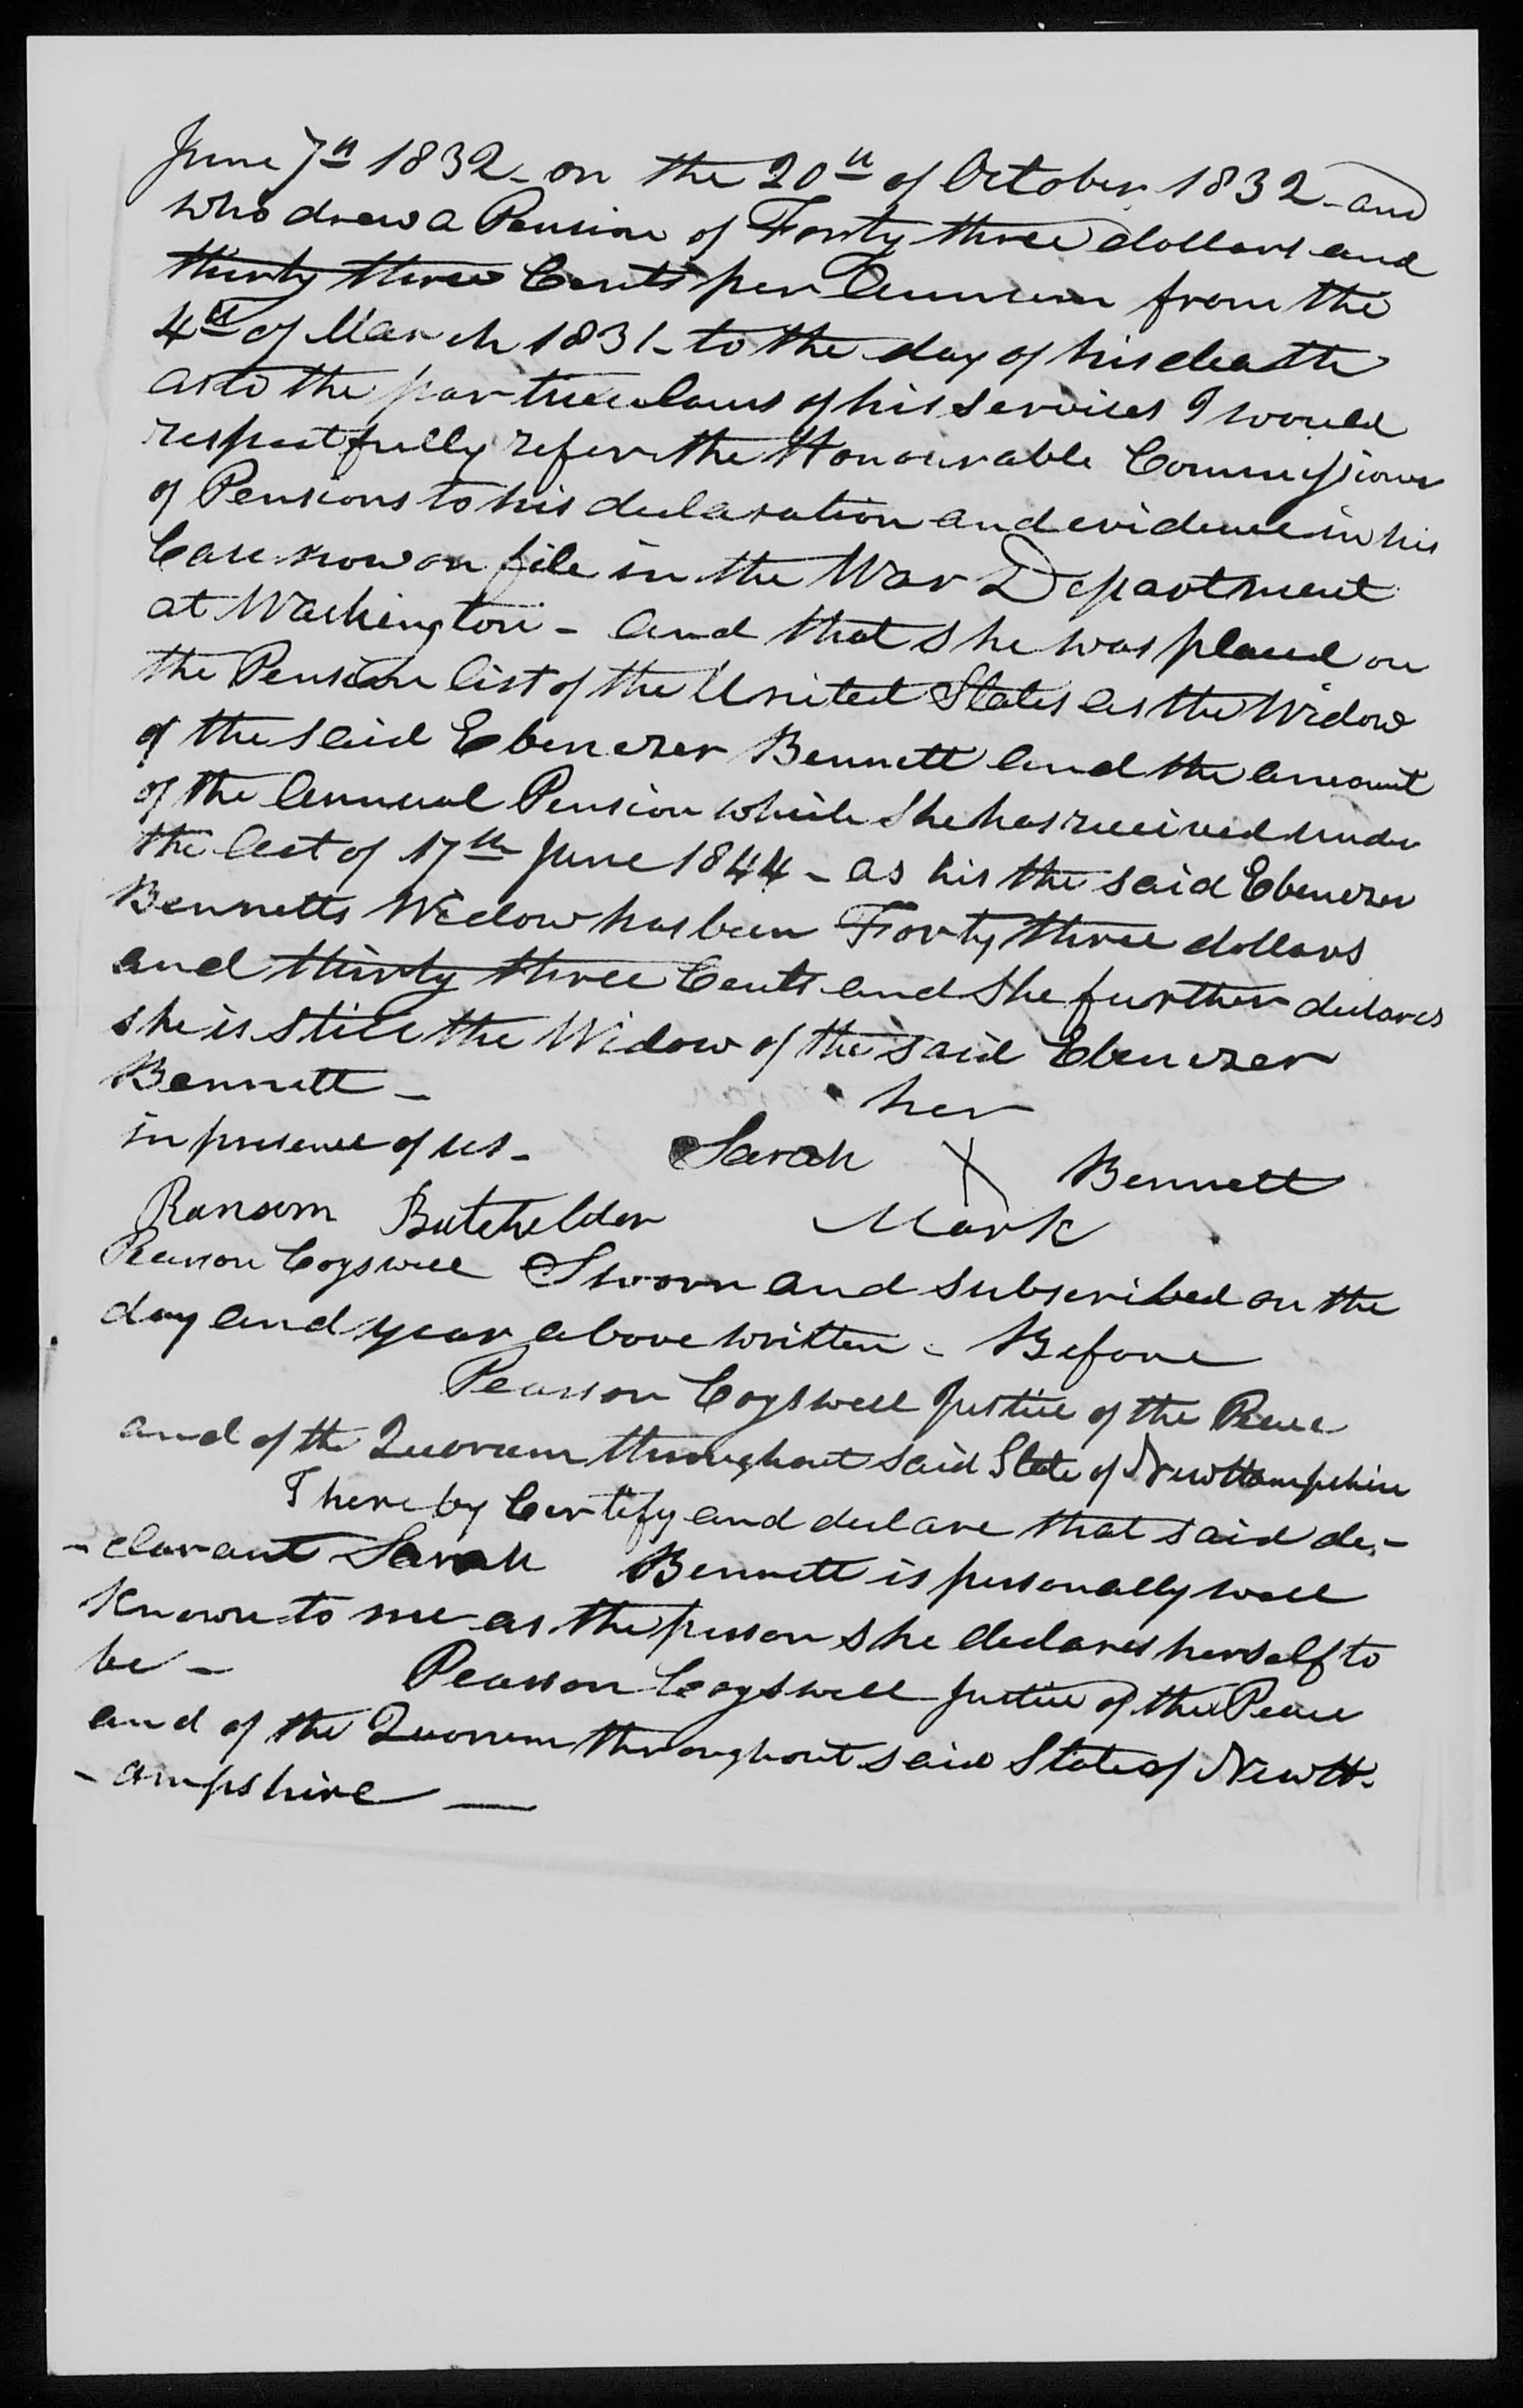June 7th 1832 - on the 20th of October 1832 - and who drew a Pension of Forty three dollars and thirty three Cents per Annum from the
4th of March 1831 - to the day of his death
and the particulars of his services I would
respectfully refer the Honourable Commissioner
of Pensions to his declaration and evidence in his
Care now on file in the War Department
at Washington - And that she was placed on
the Pension list of the United States as the Widow of the said Ebenezer Bennett and the amount of the Annual pension which She has received under the act of 17th June 1844 - as his the said Ebenezer Bennetts Widow has been forty three dollars and thirty three Cents and She further declares she is Still the Widow of the said Ebenezer Bennett -
Sarah Bennett
her X mark
in presence of us -
Ransom Batchelder
Pearson Cogswell
Sworn and Subscribed on the day and year above written. Before
Pearson Cogswell Justice of the Peace
and of the Quorum throughout said State of New Hampshire
I hereby Certify and declare that said declarant 
Sarah Bennett is personally well known to me as the person she declares herself to be - 
Pearson Cogswell Justice of the Peace
and of the Quorum throughout said State of New
Hampshire -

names: Pearson Cogswell, Sarah Bennett, Pearson Cogswell, Ebenezer Bennett, Ebenezer Bennett, Ebenezer Bennett, Sarah Bennett, Ransom Batchelder, Pearson Cogswell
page: 20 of 43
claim: widow's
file: W. 21665, Ebenezer Bennett, N. H. Privateer.